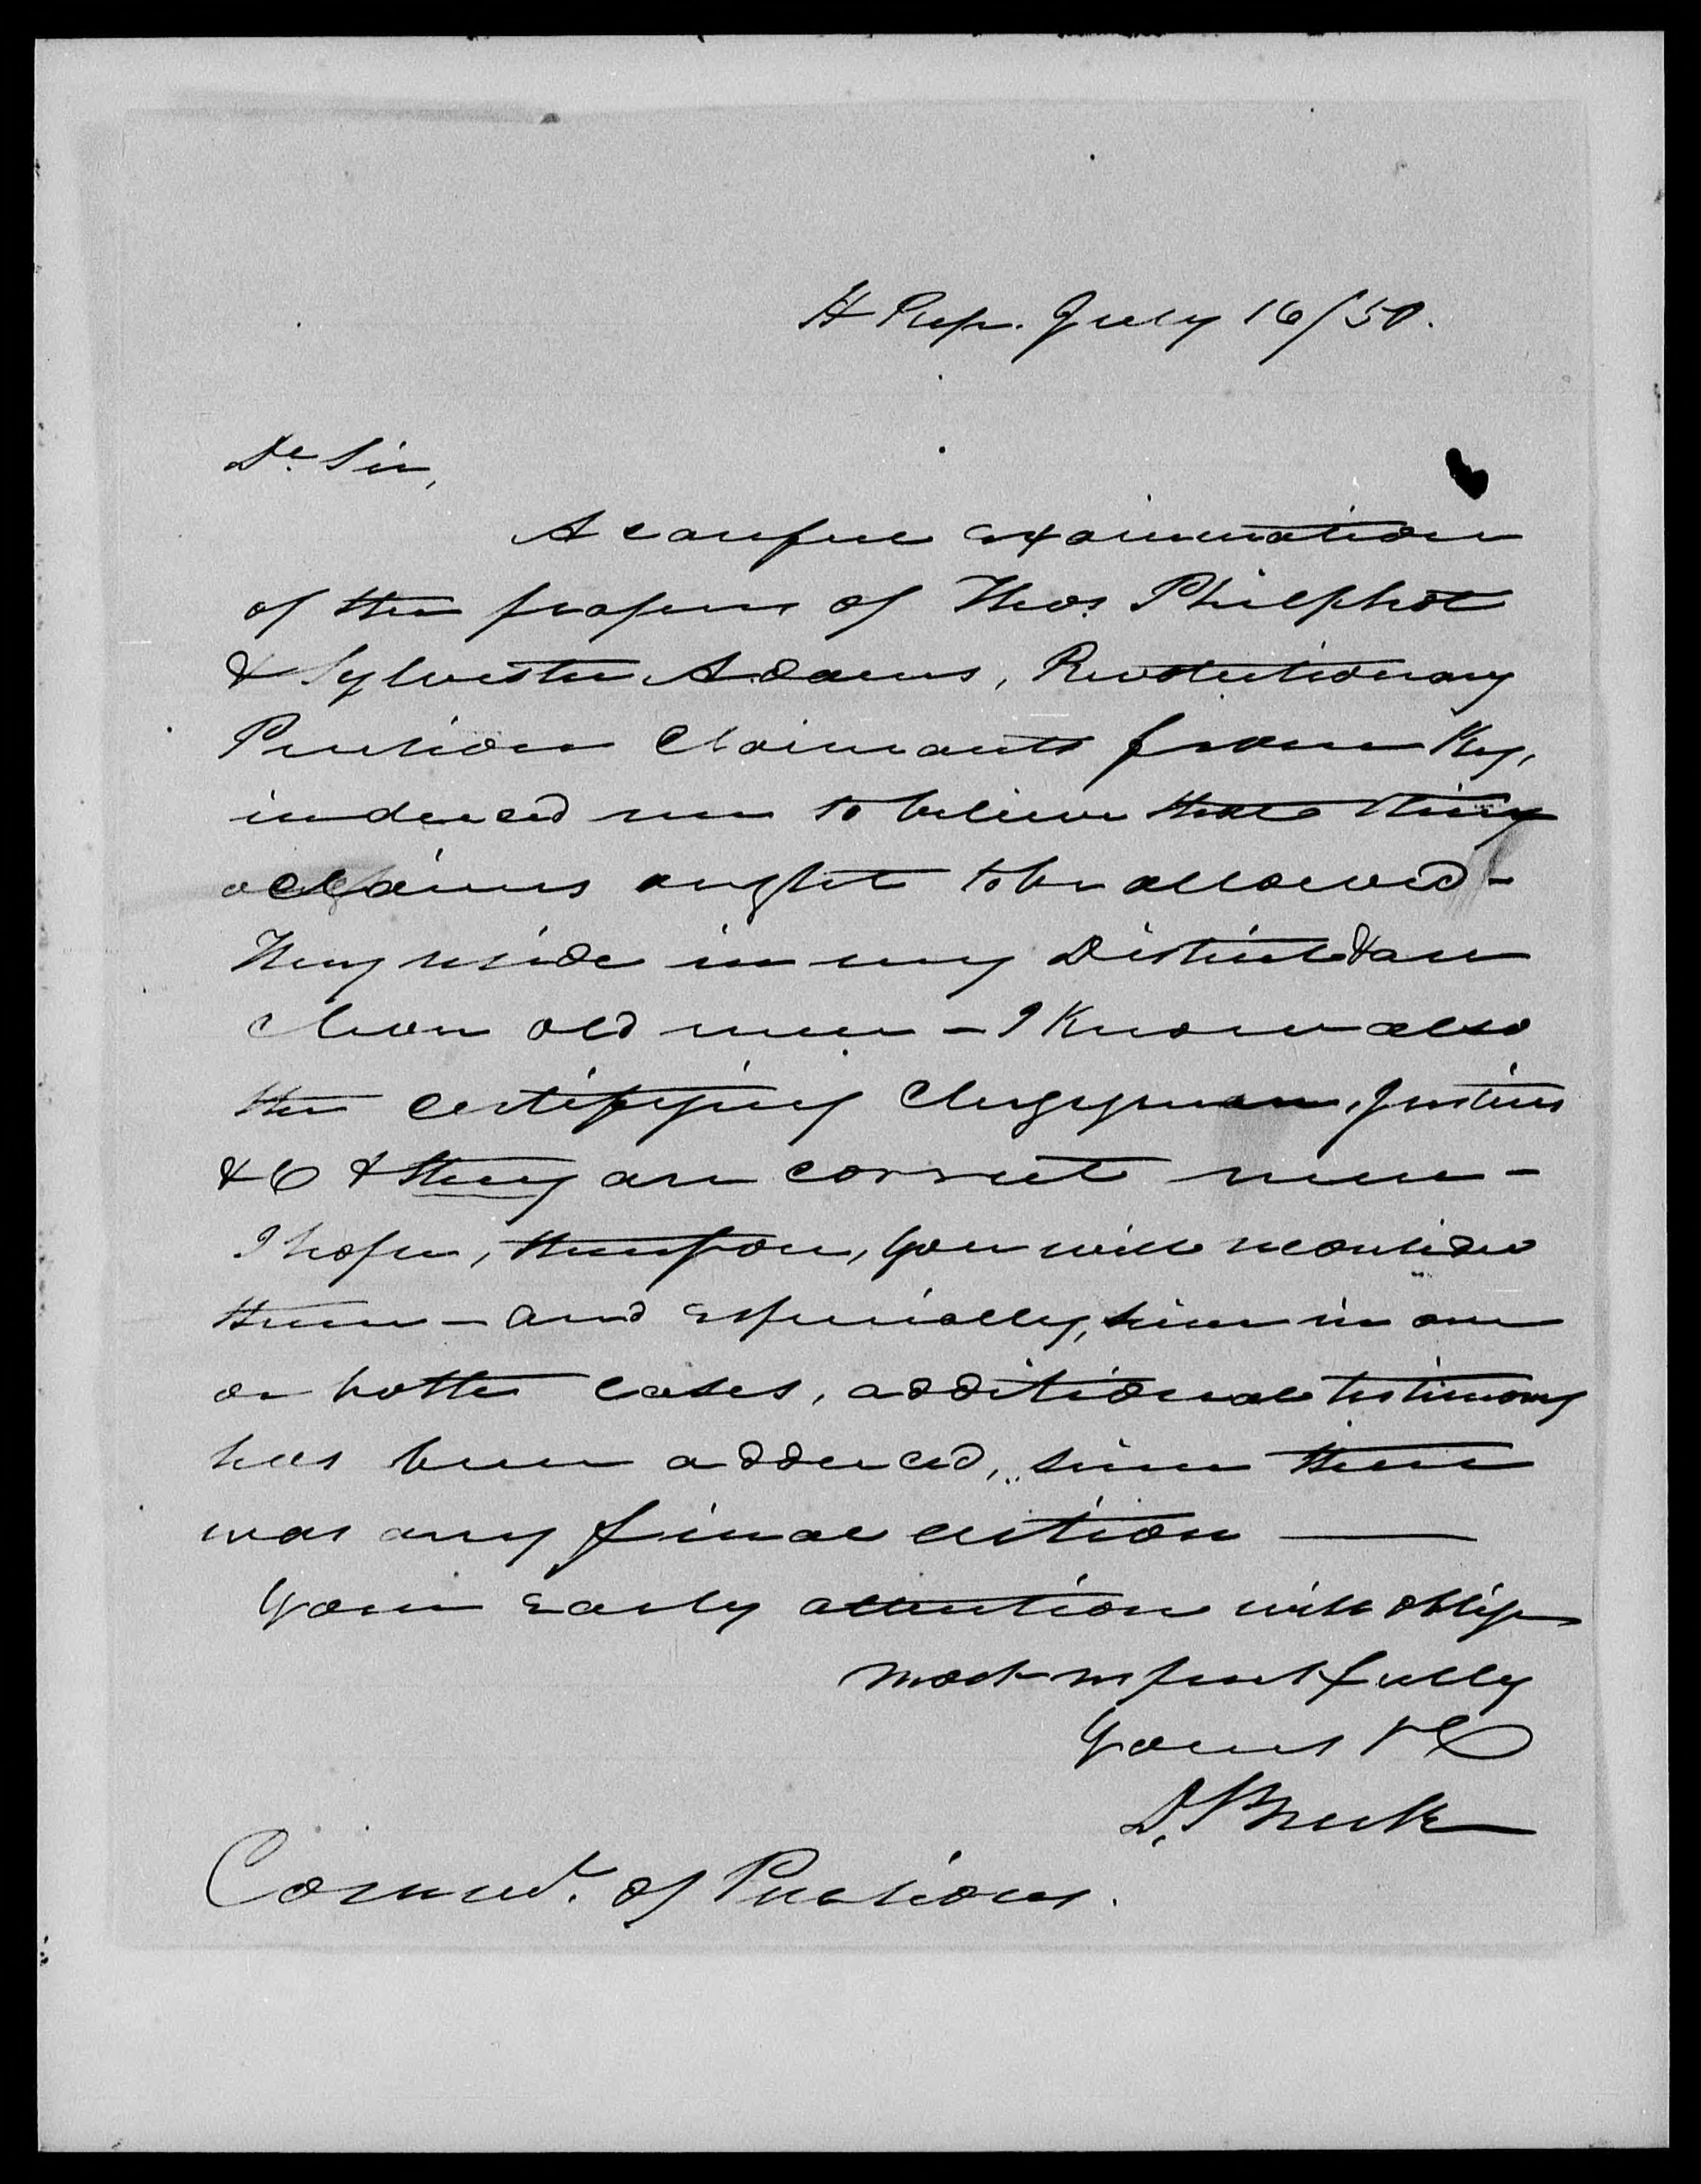H Reps July 16/50
Sir
A careful examination
of the papers of Thos Philpot
& Sylvester Adams, Revolutionary
Pension Claimants from Ky,
induced me to believe that the
claims ought to be allowed
They reside in my district & all
claim old [illegible] I know also
the certifying Clergyman, Justices
&c & they are correct views
I hope, therefore, you will reconsider
them and especially him in one
or both cases, additional testimony
has been adduced, since there
was any final action
Your early attention will oblige
most respectfully Yours
D.Breck
Commr of Pensions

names: D Breck; Sylvester Adams; Thos Philphot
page: 23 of 43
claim: rejected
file: R. 8217, for Thomas Philpot, South Carolina